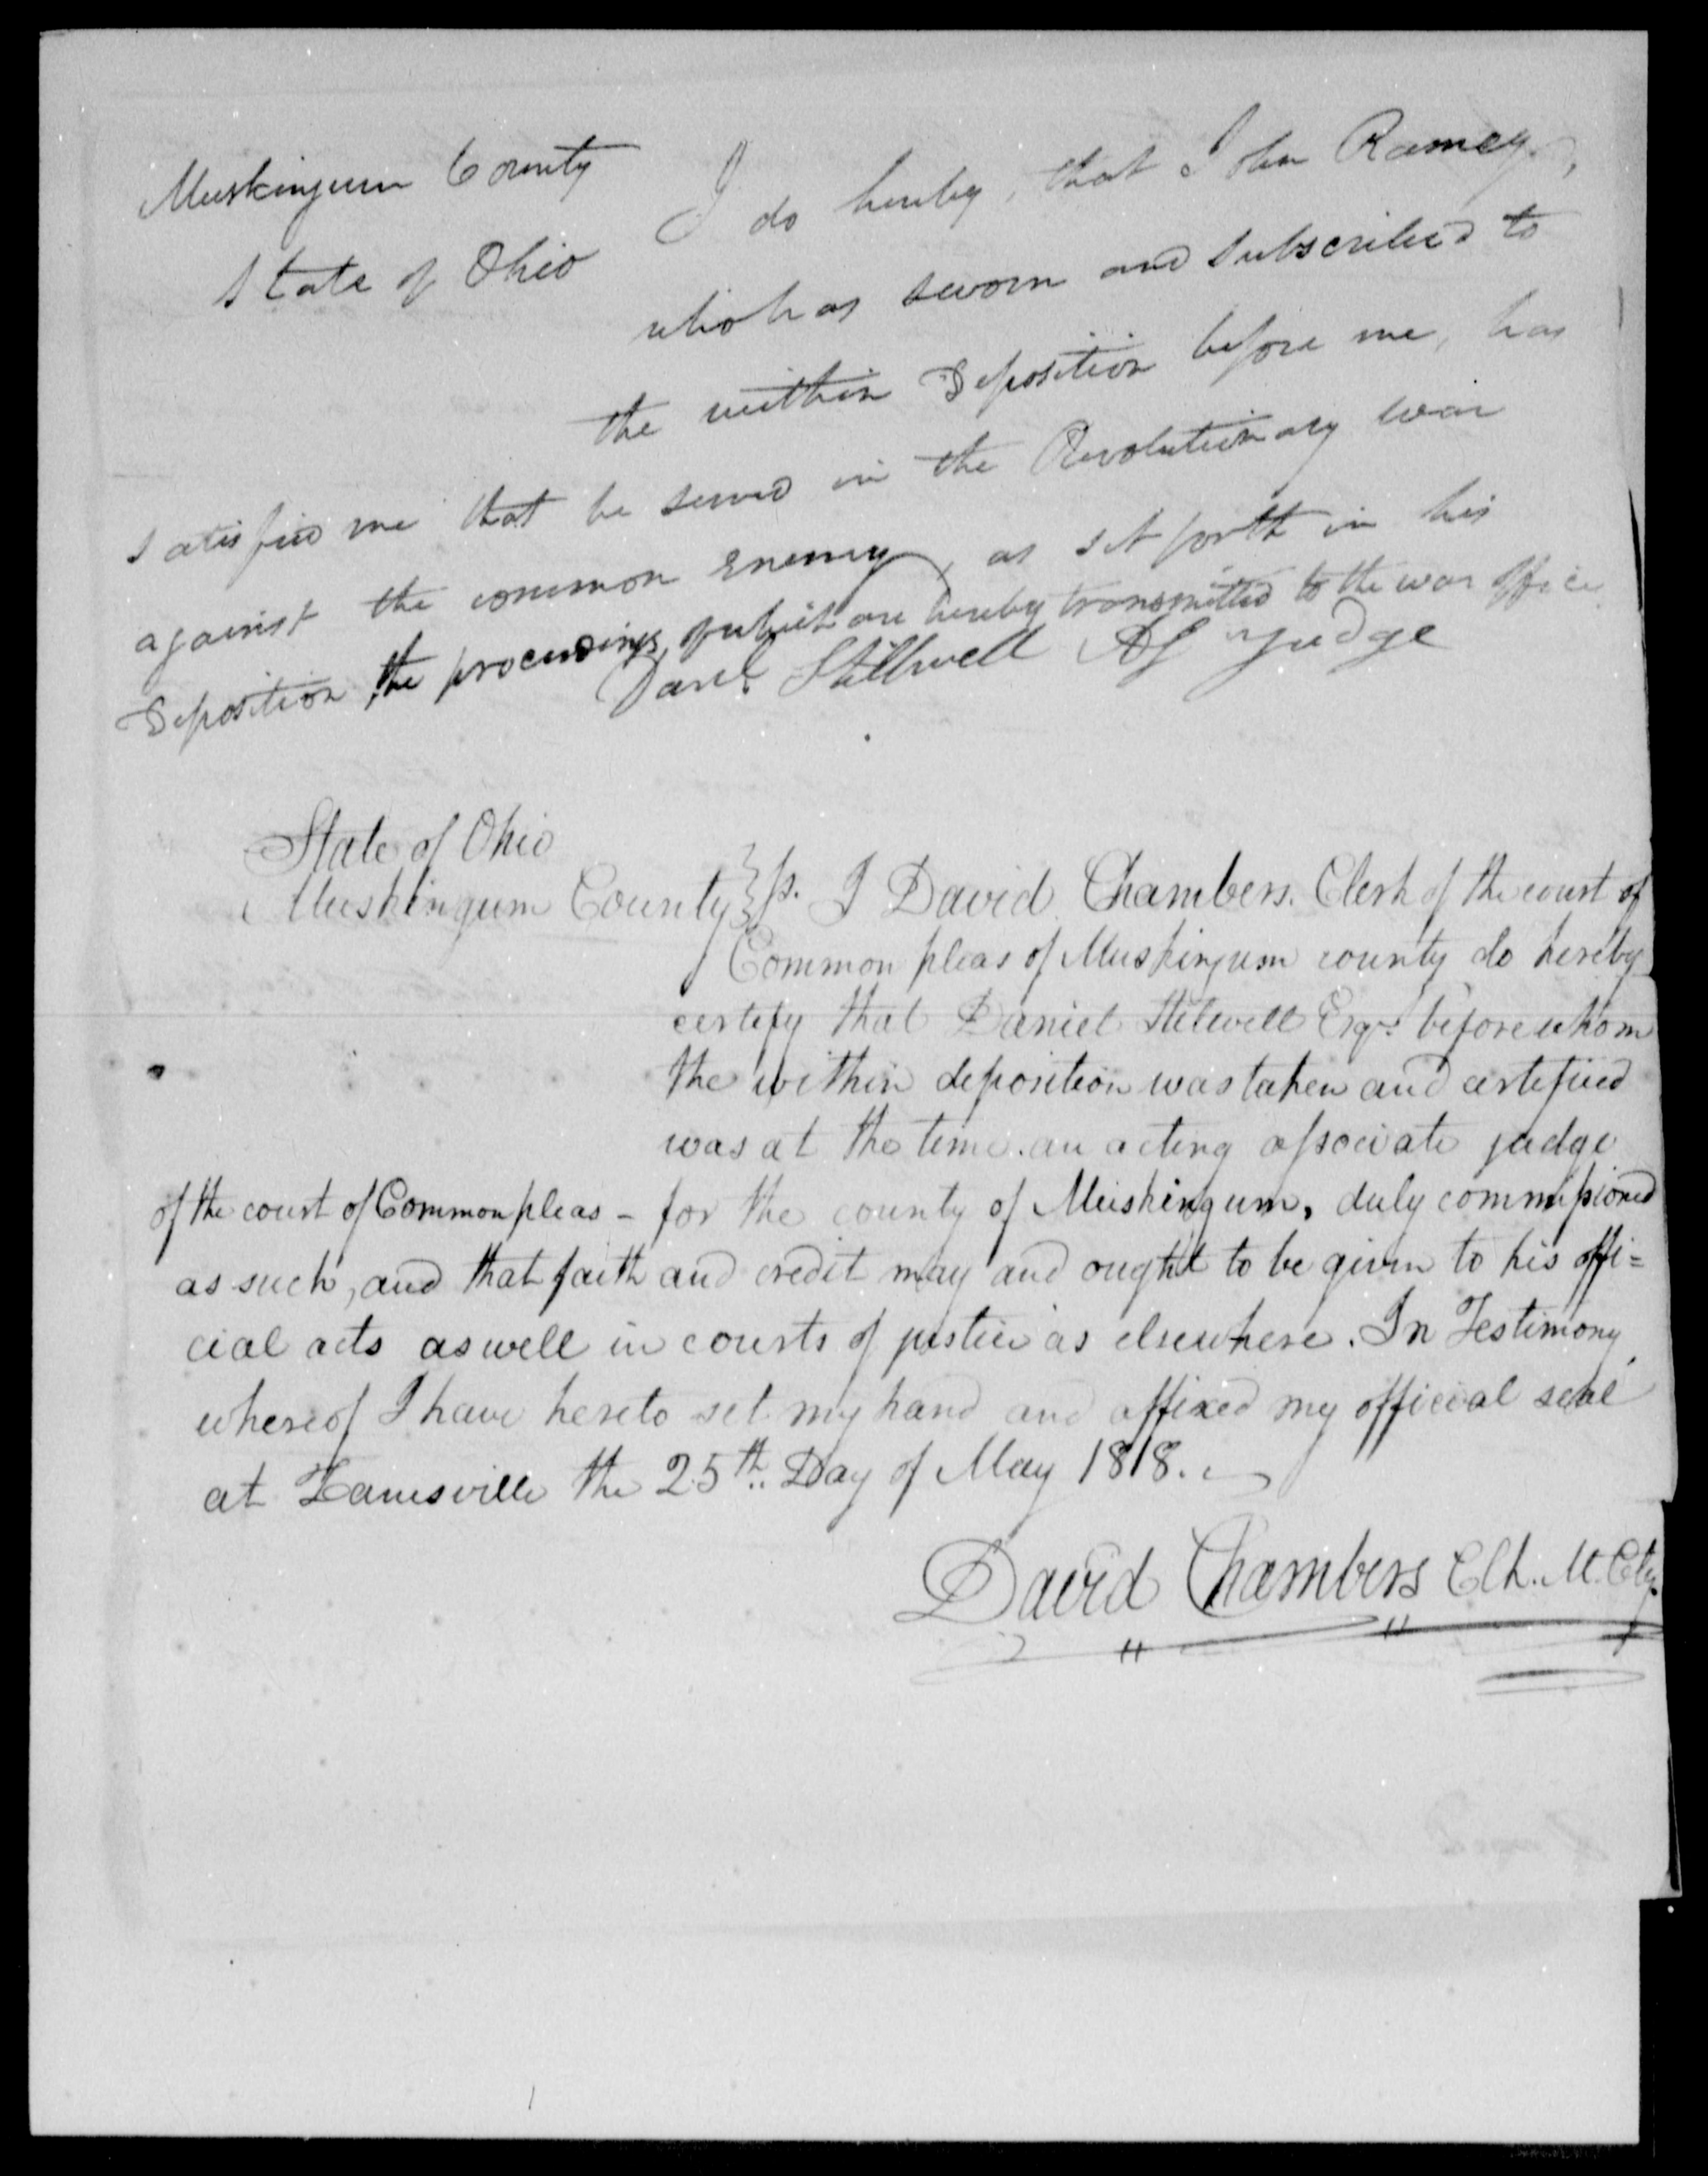Muskingum County
State of Ohio I do hereby, that John Ramey, who has sworn and subscribed to the within Deposition before me, has satisfied me that he served in the Revolutionary War against the common Enemy, as set forth in his Deposition the proceedings, subject are hereby transmitted to the war office
Danl. Stillwell AS Judge

State of Ohio
Muskingum County SS. I David Chambers Clerk of the court of Common Pleas of Muskingum county do hereby certify that Daniel Stillwell Esqr. before whom the within was taken and certified was at the time an acting associate judge of the court of Common pleas - for the county of Muskingum, duly commissioned as such, and that faith and credit may and ought to be given to his official acts as well in courts of justice as elsewhere. In Testimony whereof I have hereto set my hand and affixed my official seal at Zanesville the 25th Day of May 1818.-
David Chambers Clk. M. Cty.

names: David Chambers; Daniel Stilwell; Danl Stillwell; David Chambers; John Ramey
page: 7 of 84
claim: widow's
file: W.11104, for John Remay, Virginia